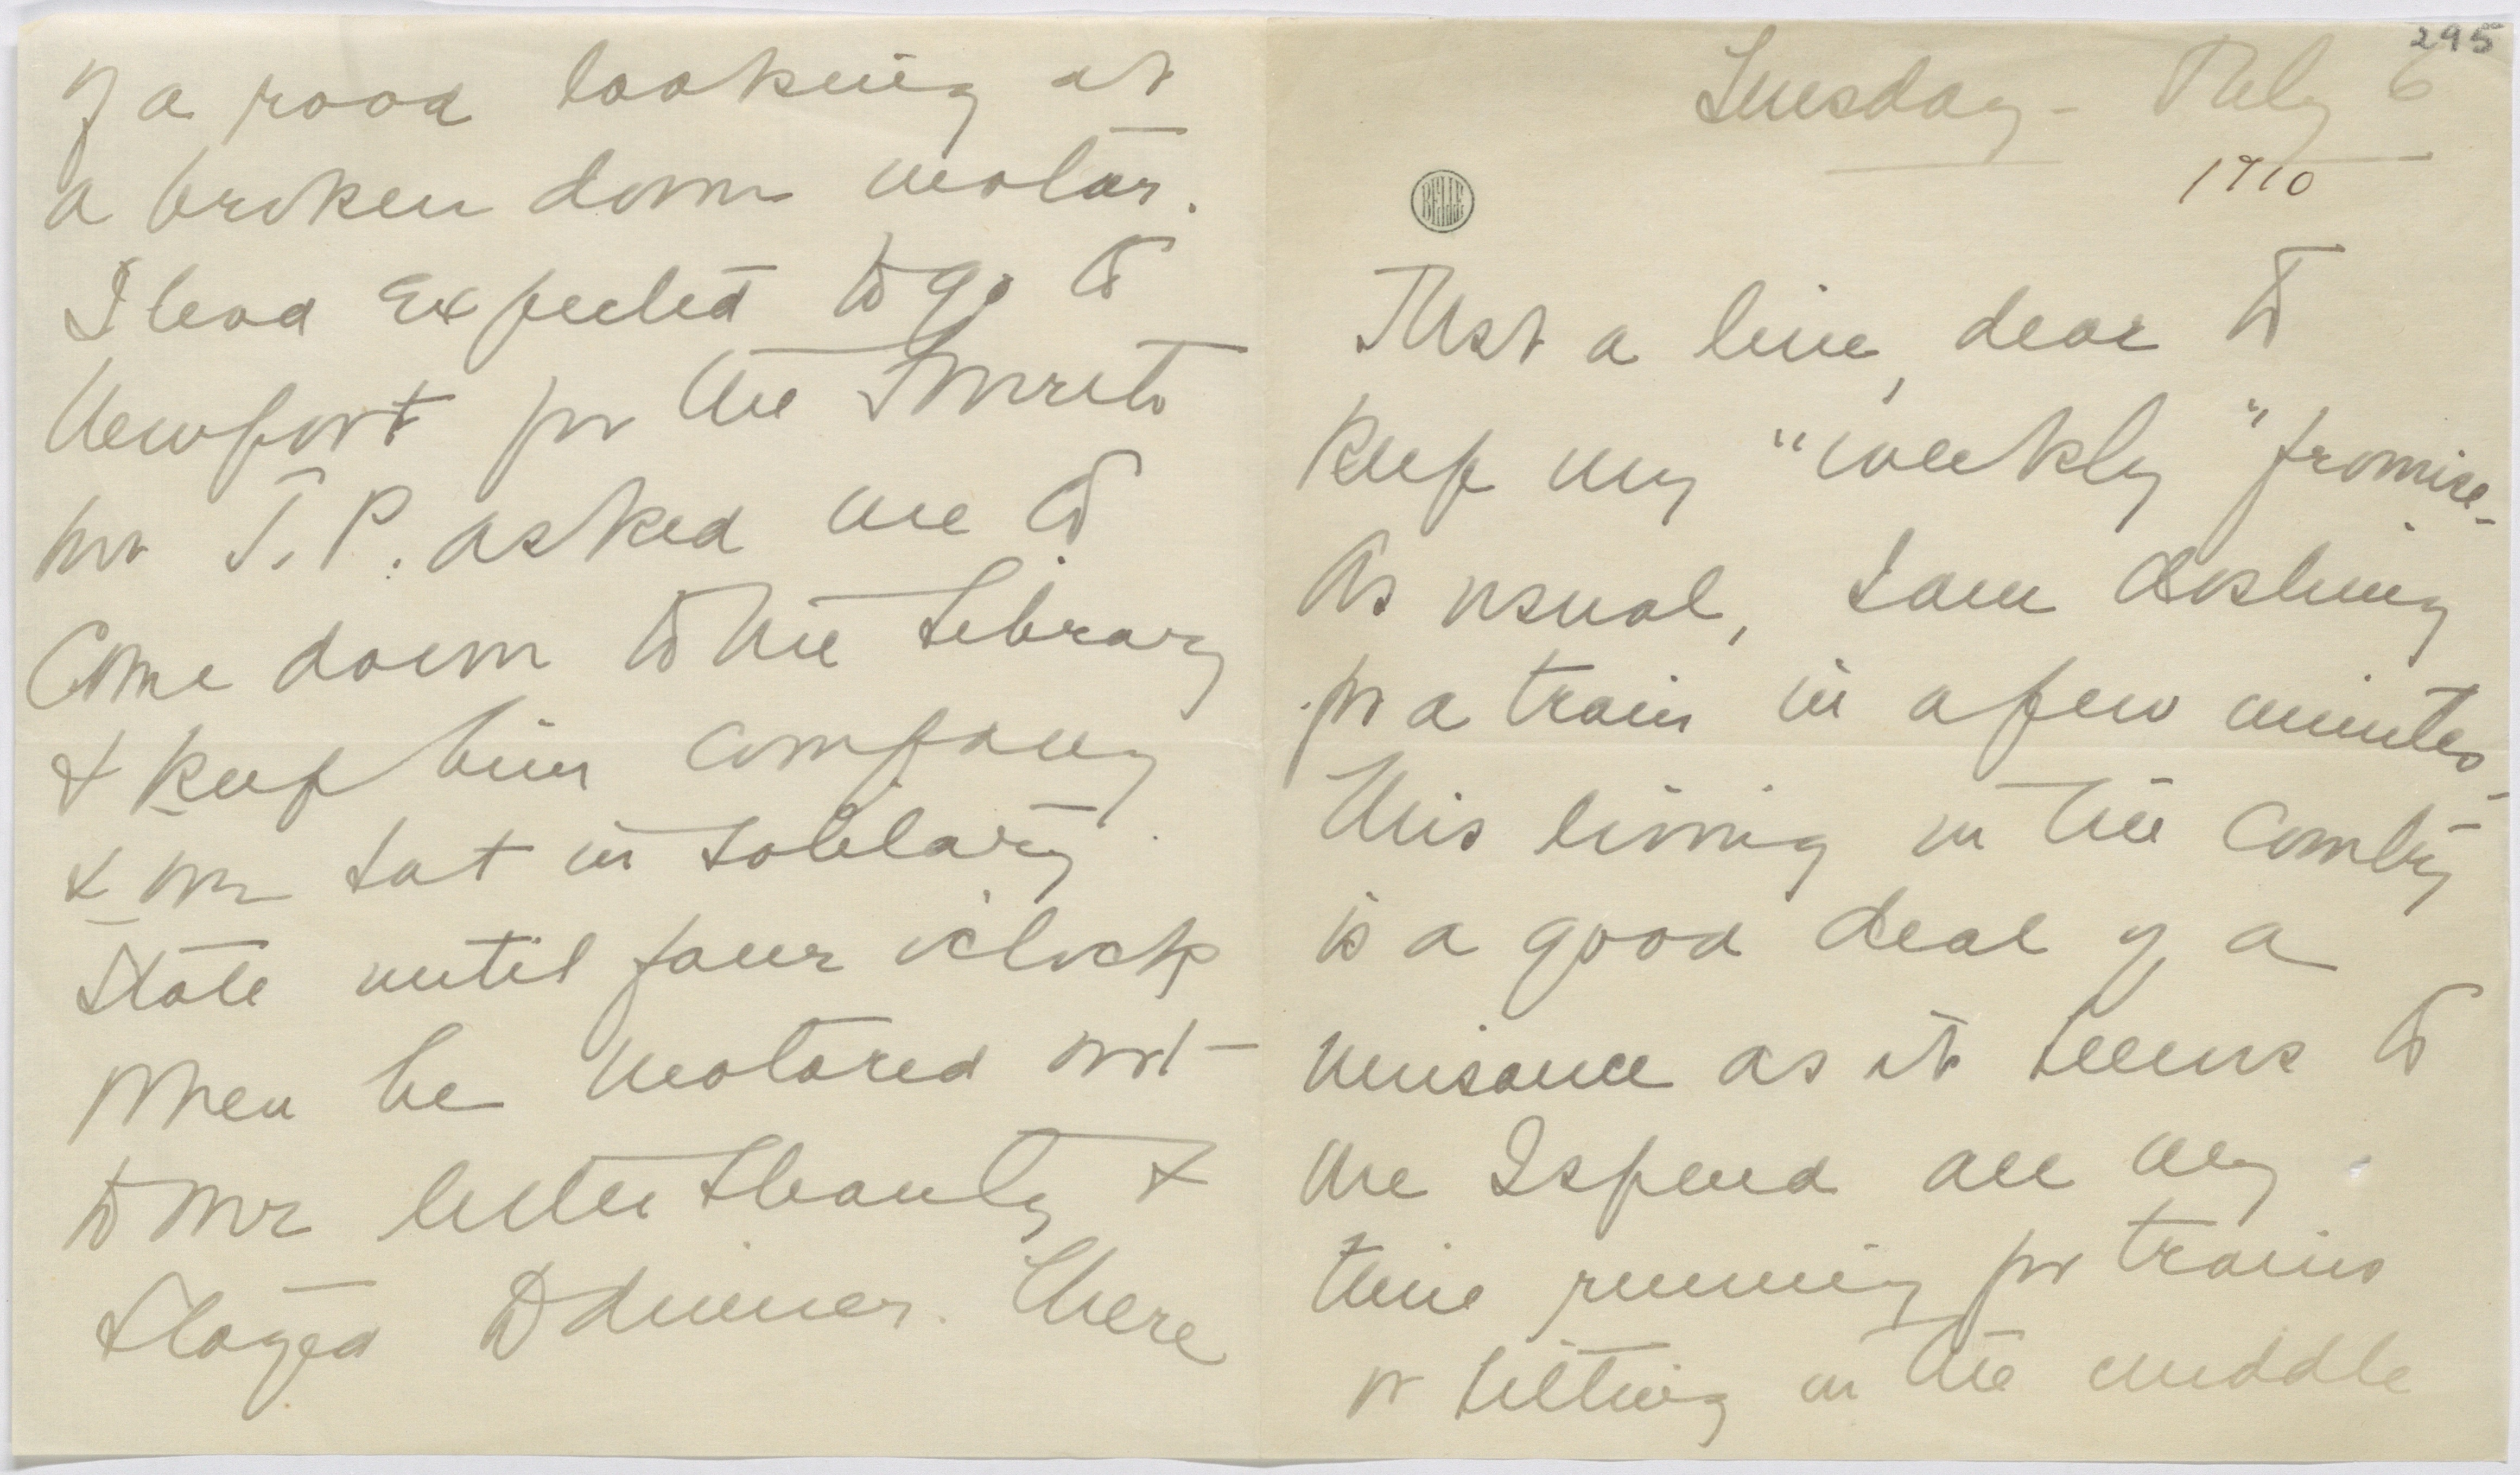Tuesday – July 6
Just a line, dear to keep my “weekly” promise – as usual, I am dashing for a train in a few minutes –
This living in the country is a good deal of a nuisance as it seems to me I spend all my time running for trains or sitting in the middle
of a road looking at a broken down motor. I had expected to go to Newport for the Fourth but J.P. asked me to come down to the Library & keep him company & we sat in solitary state until four o’clock when he motored out to our little shanty & stayed to dinner. There